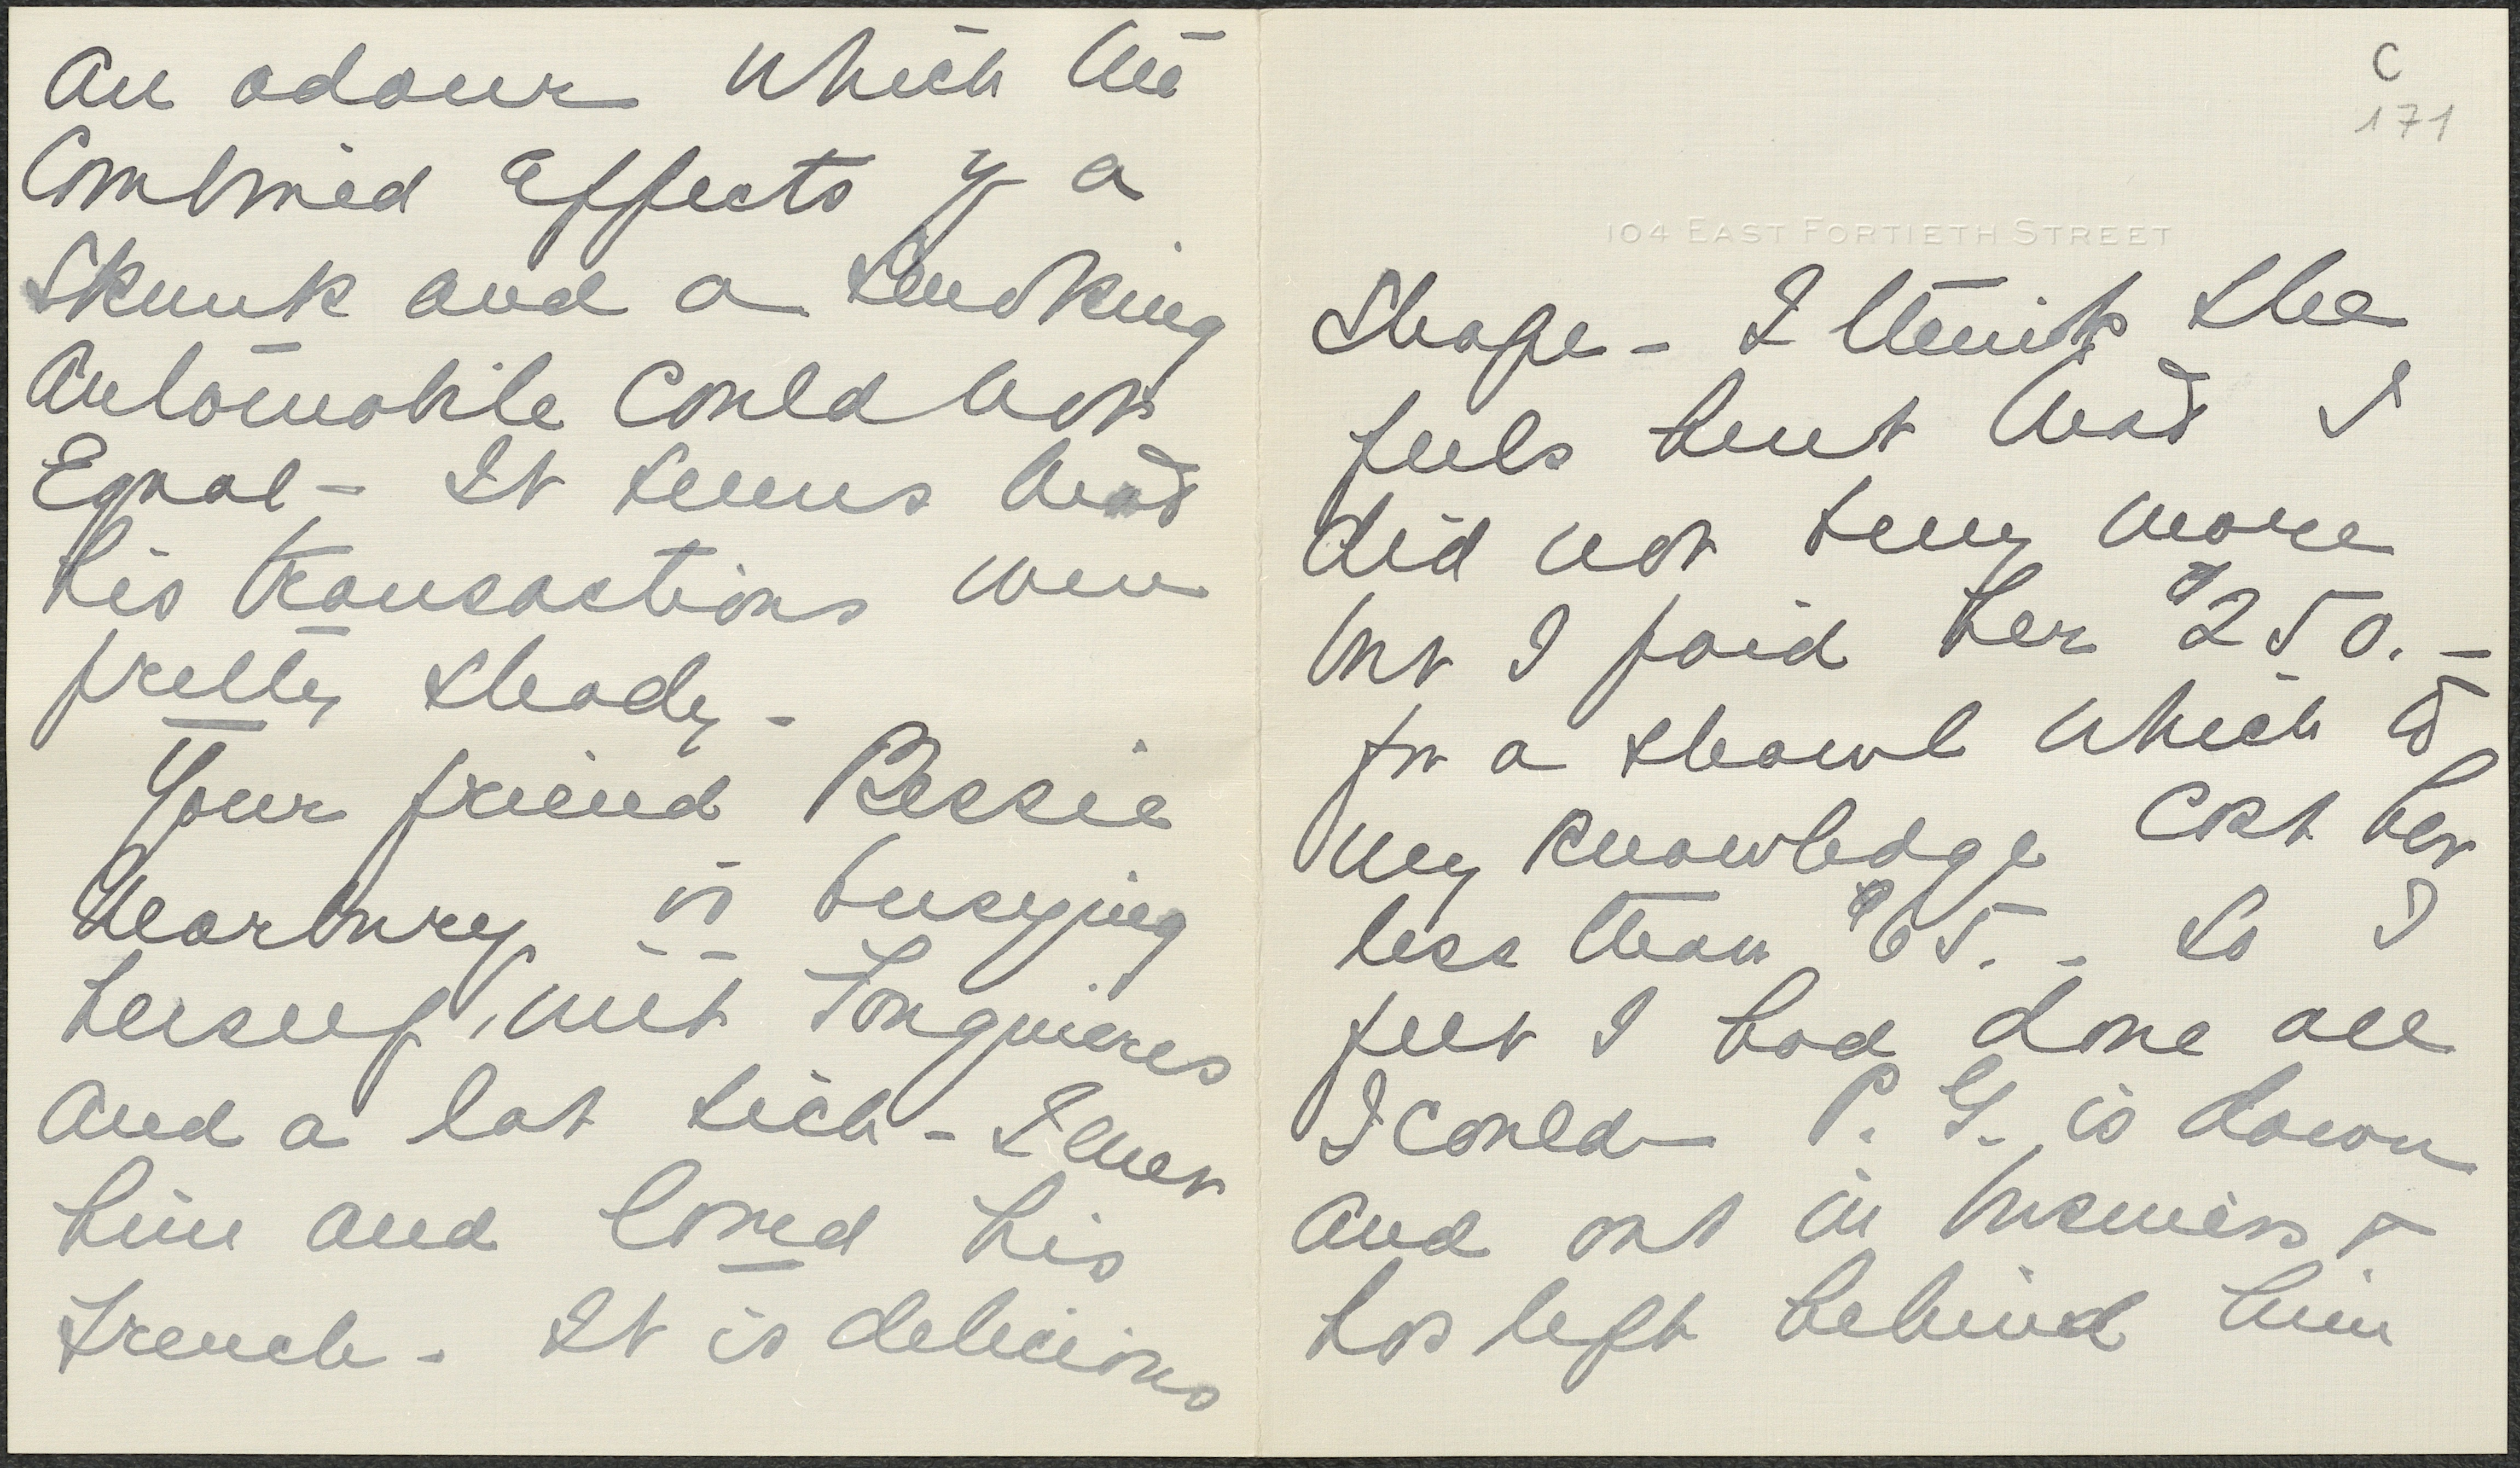shape – I think she feels hurt that I did not buy more but I paid her $250. – for a shawl which to my knowledge cost her less than $65. – So I felt I had done all I could – P. G. is down and out in business & has left behind him
an odour which the combined effects of a skunk and a smoking automobile could not equal – It seems that his transactions were pretty shady –
Your friend Bessie Marbury is busying herself with Fouquieres and a lot sich – I met him and loved his French – It is delicious